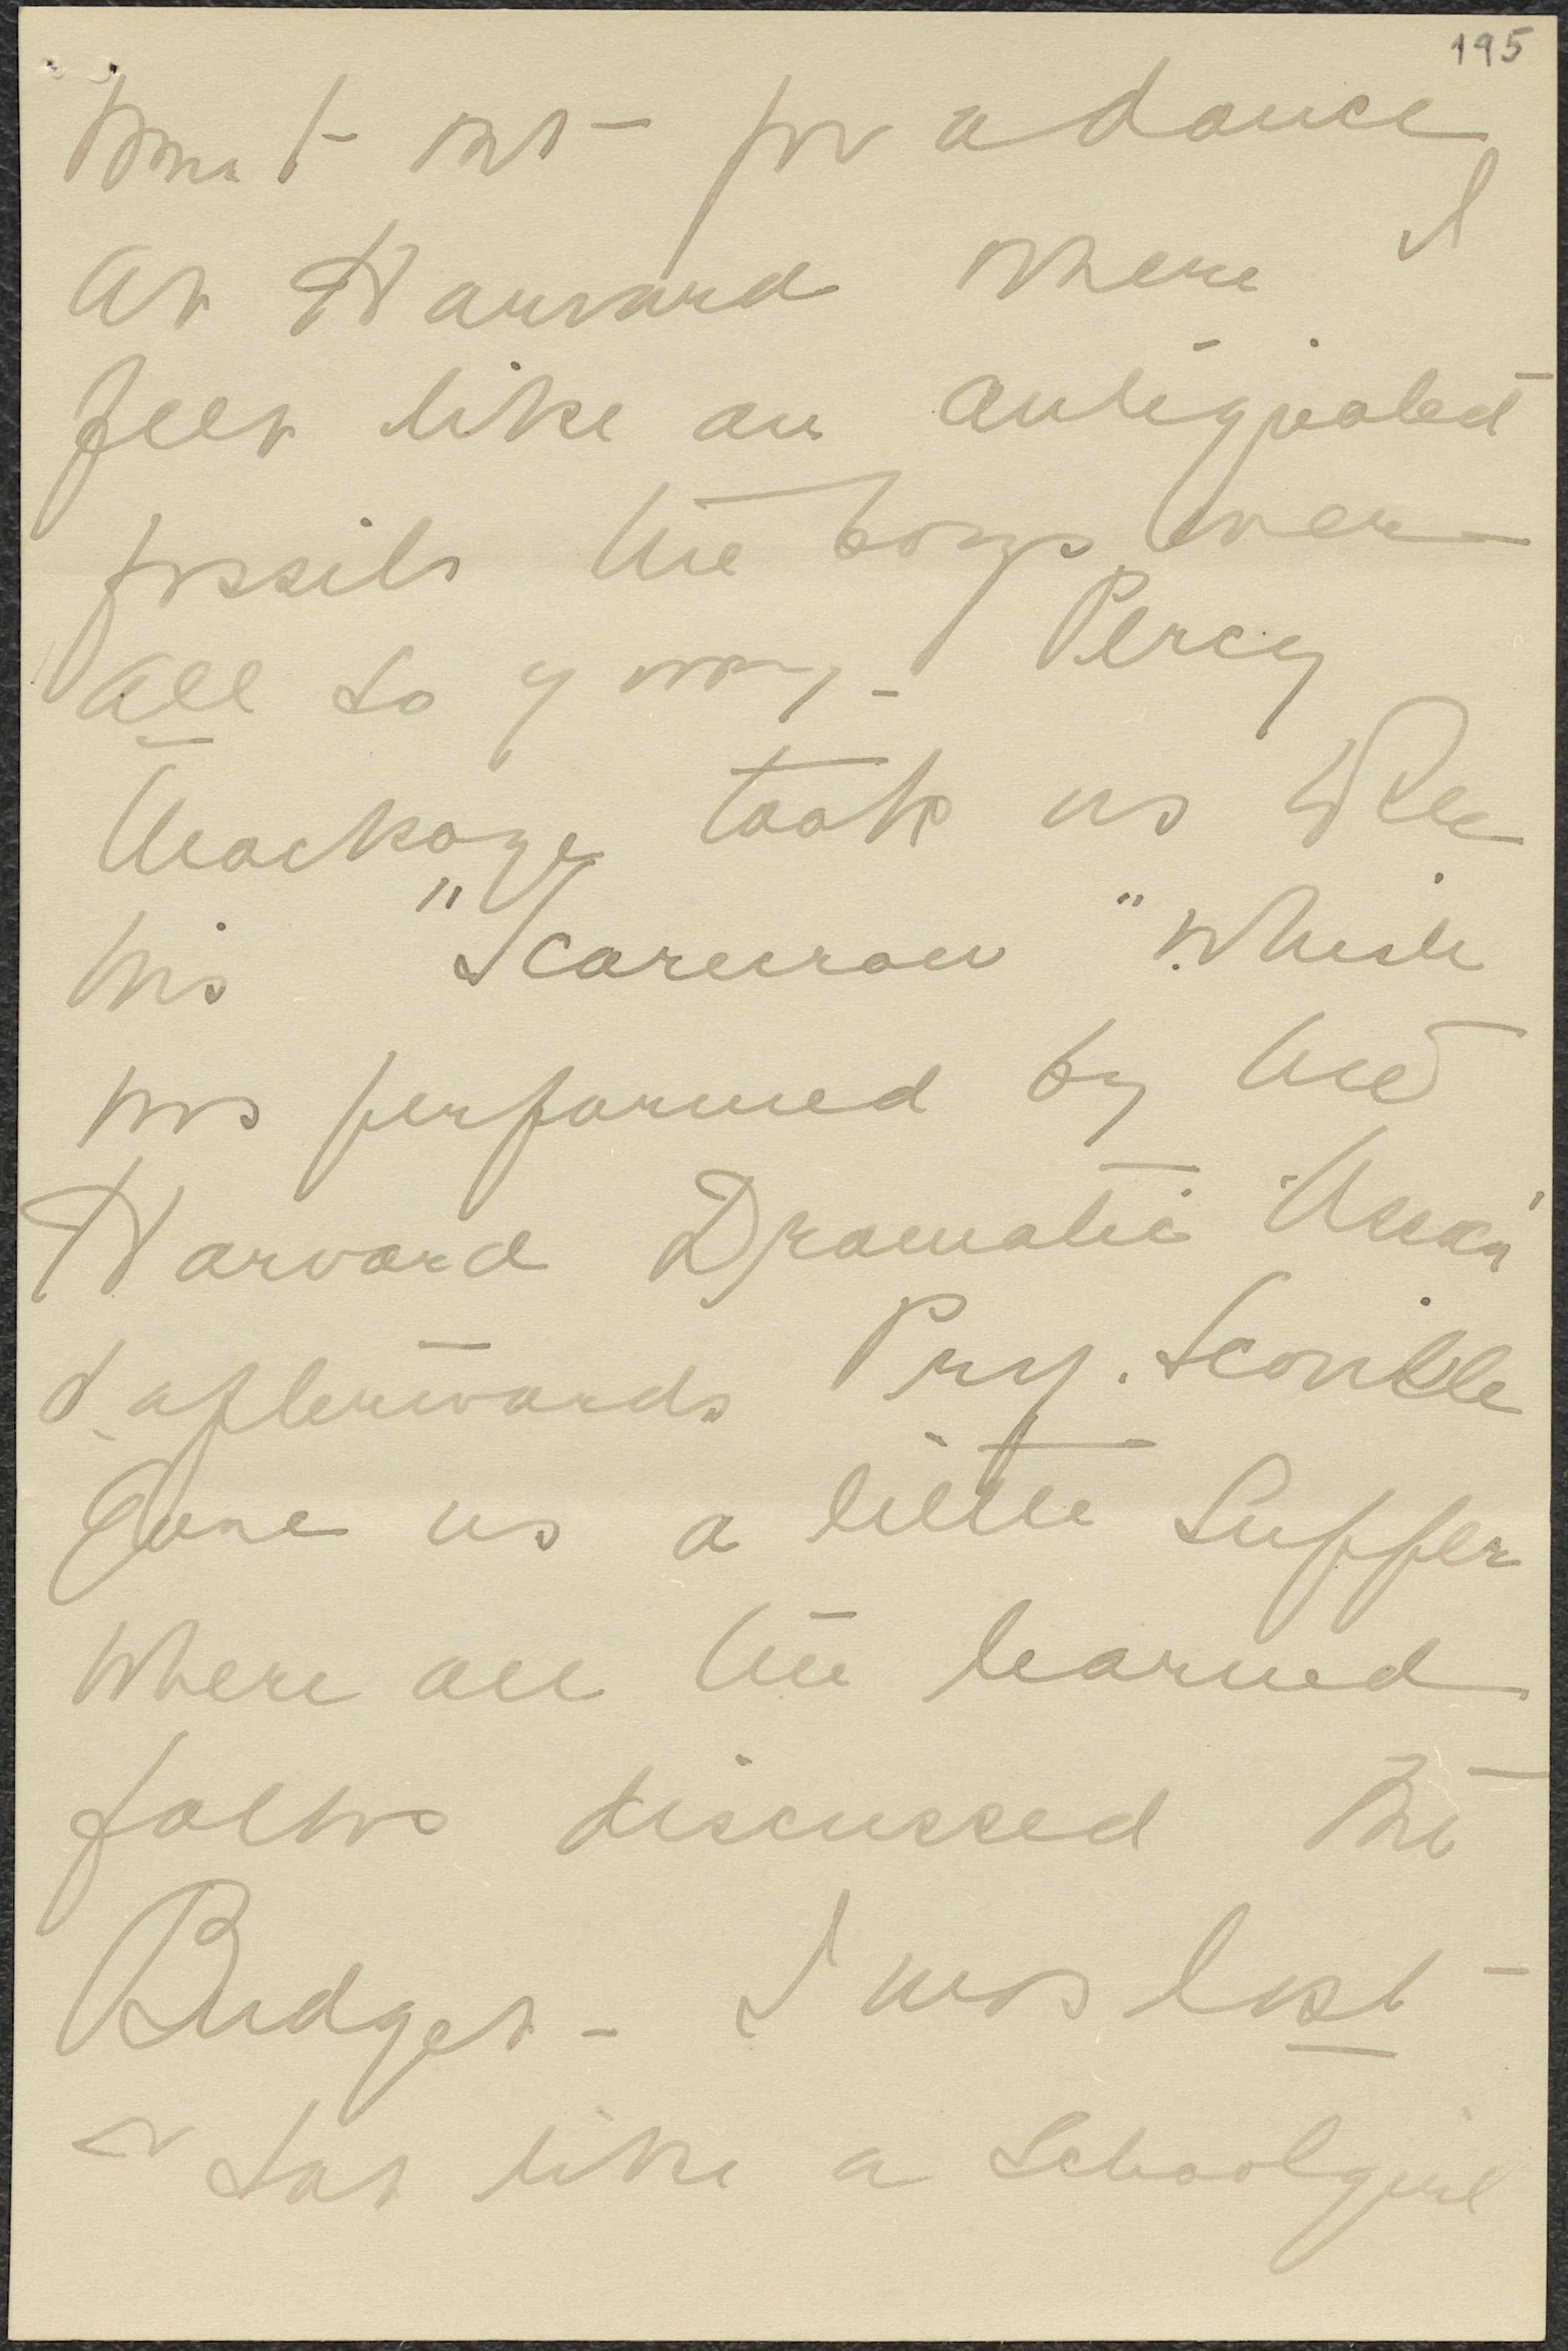went out for a dance at Harvard where I felt like an antiquated fossil the boys were all so young – Percy Mackaye took us to see his “Scarecrow” which was performed by the Harvard Dramatic Assoc. & afterwards Prof. Scoville gave us a little supper where all the learned folks discussed the Budget – I was lost – & sat like a schoolgirl